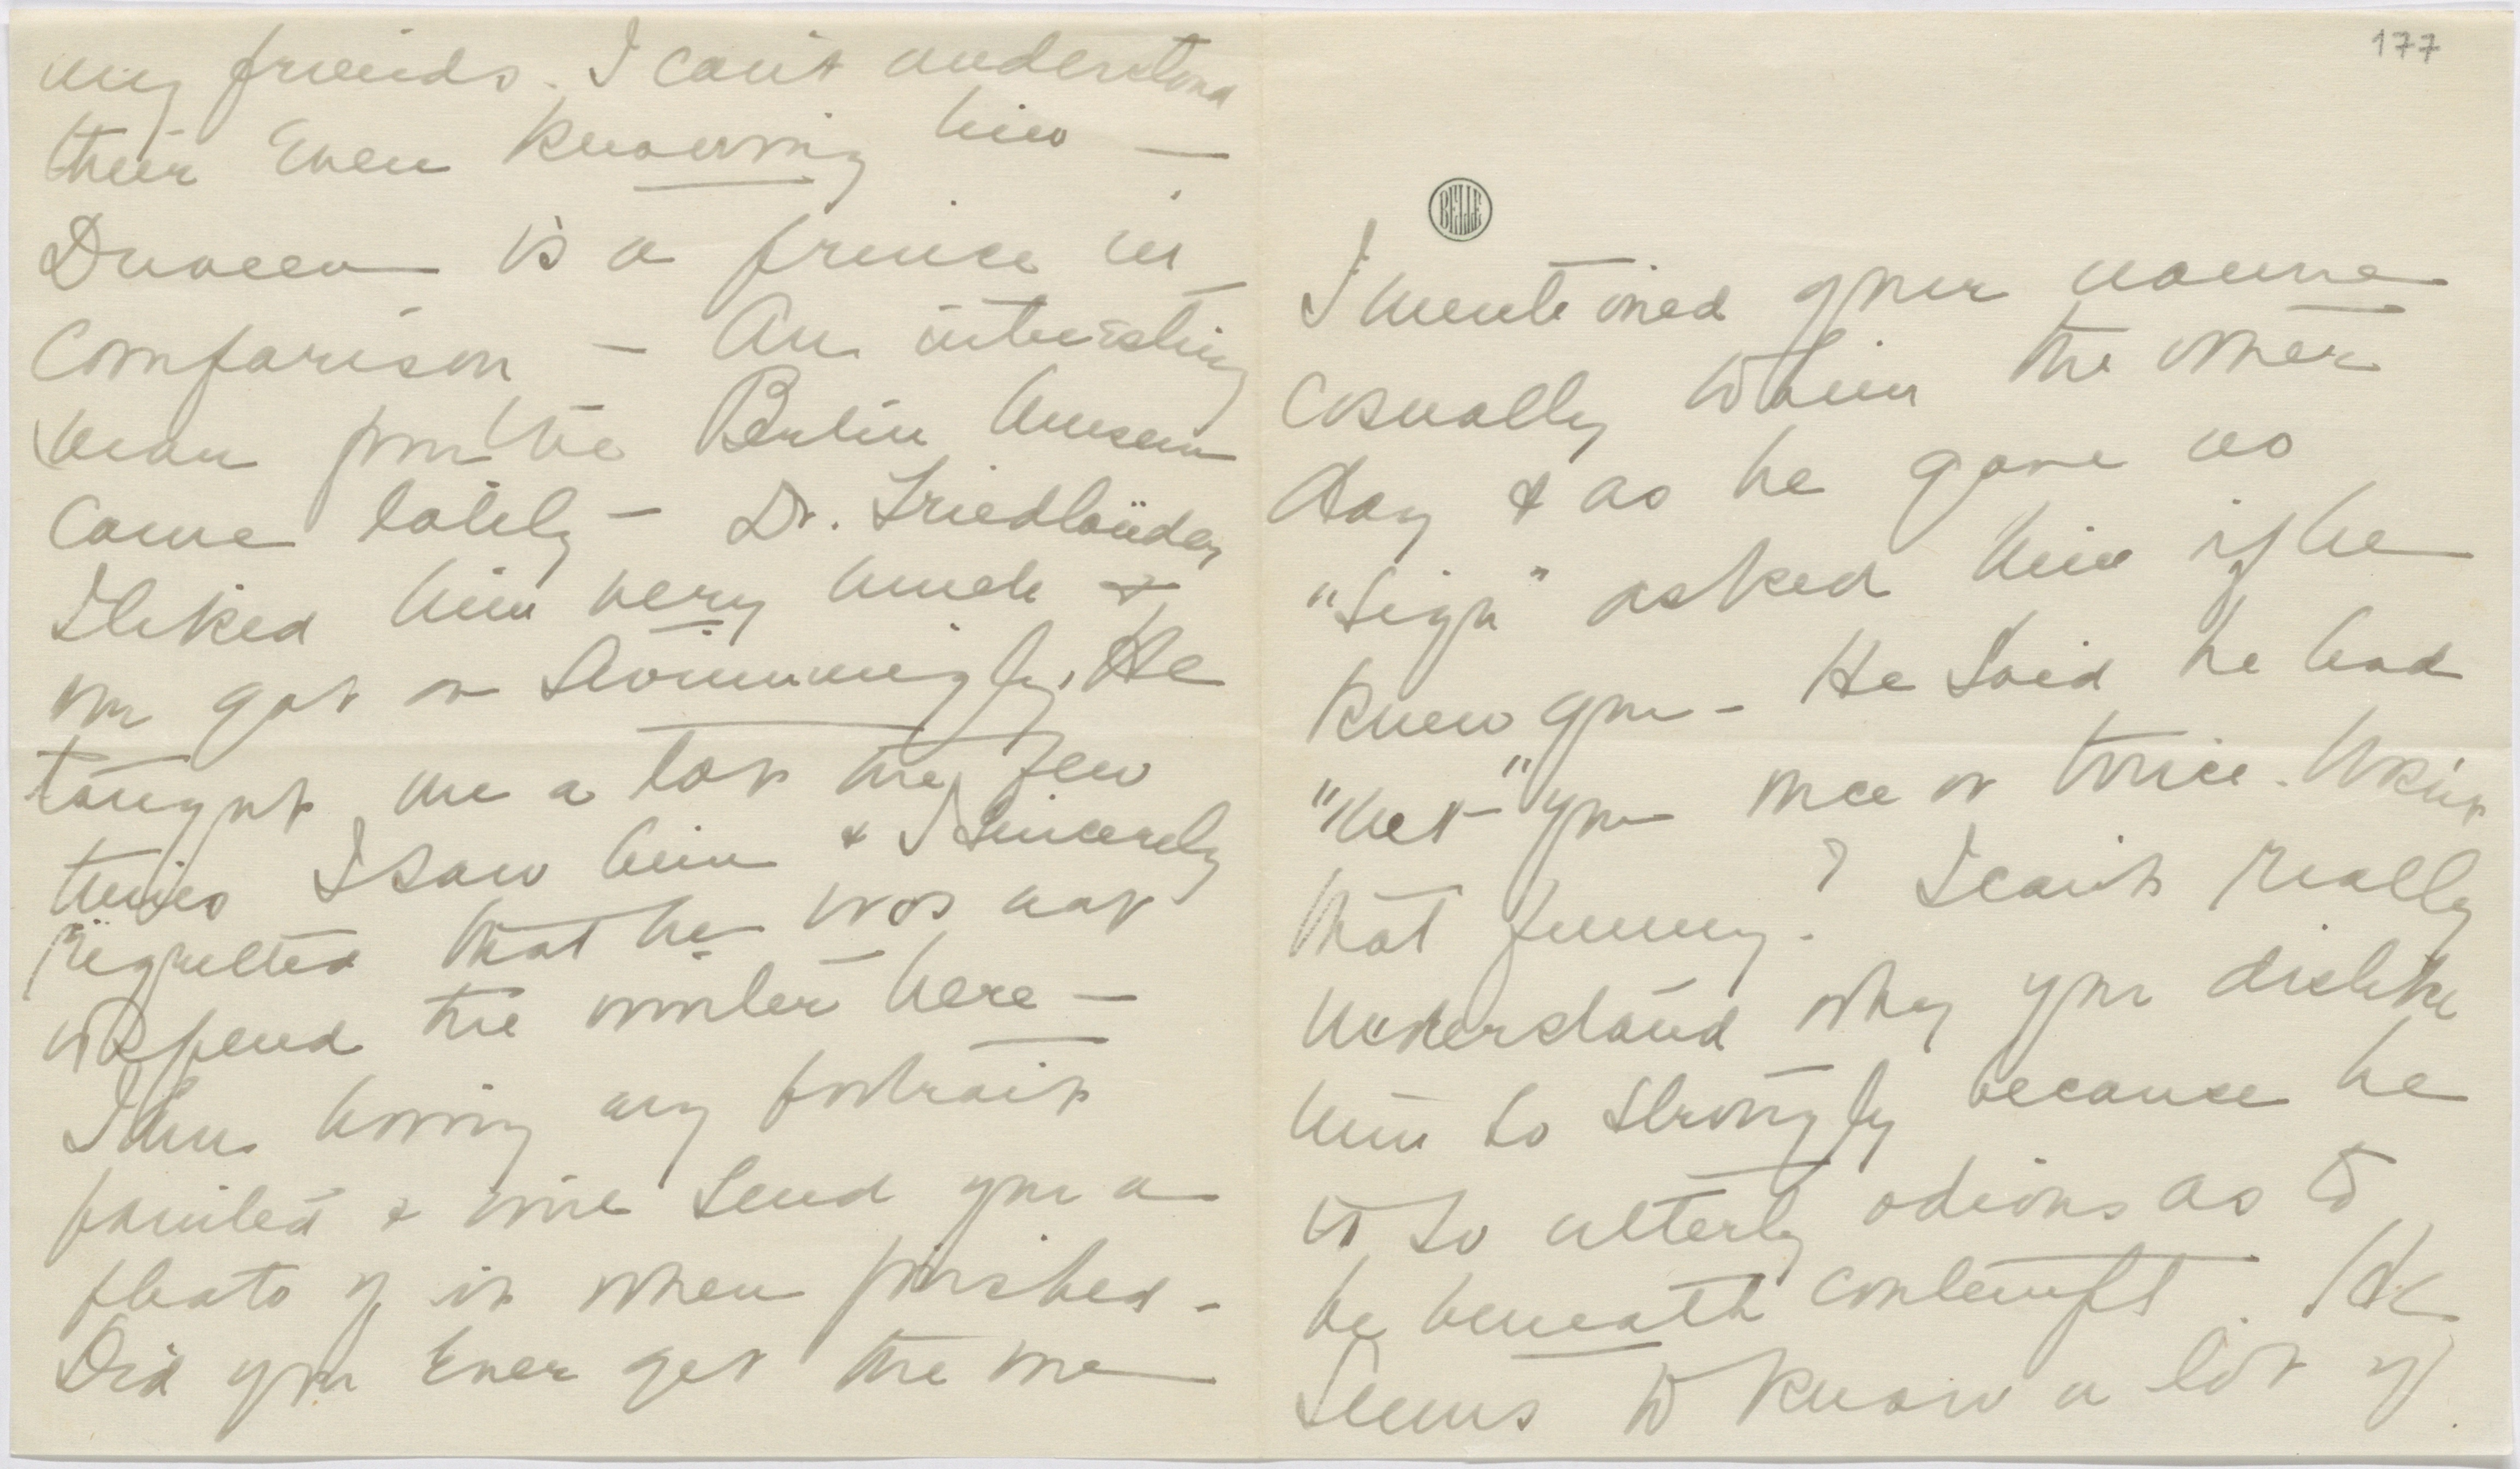I mentioned your name casually to him the other day & as he gave no “sign” asked him if he knew you – he said he had “met” you once or twice. Wasn’t that funny? I can’t really understand why you dislike him so strongly because he is so utterly odious as to be beneath contempt. He seems to know a lot of
my friends. I can’t understand their even knowing him – Duveen is a prince in comparison – An interesting man from the Berlin Museum came lately – Dr. Friedländer
I liked him very much & we got on swimmingly, He taught me a lot the few times I saw him & I sincerely regretted that he was not to spend the winter here – I am having my portrait painted & will send you a photo of it when finished – Did you ever get the one